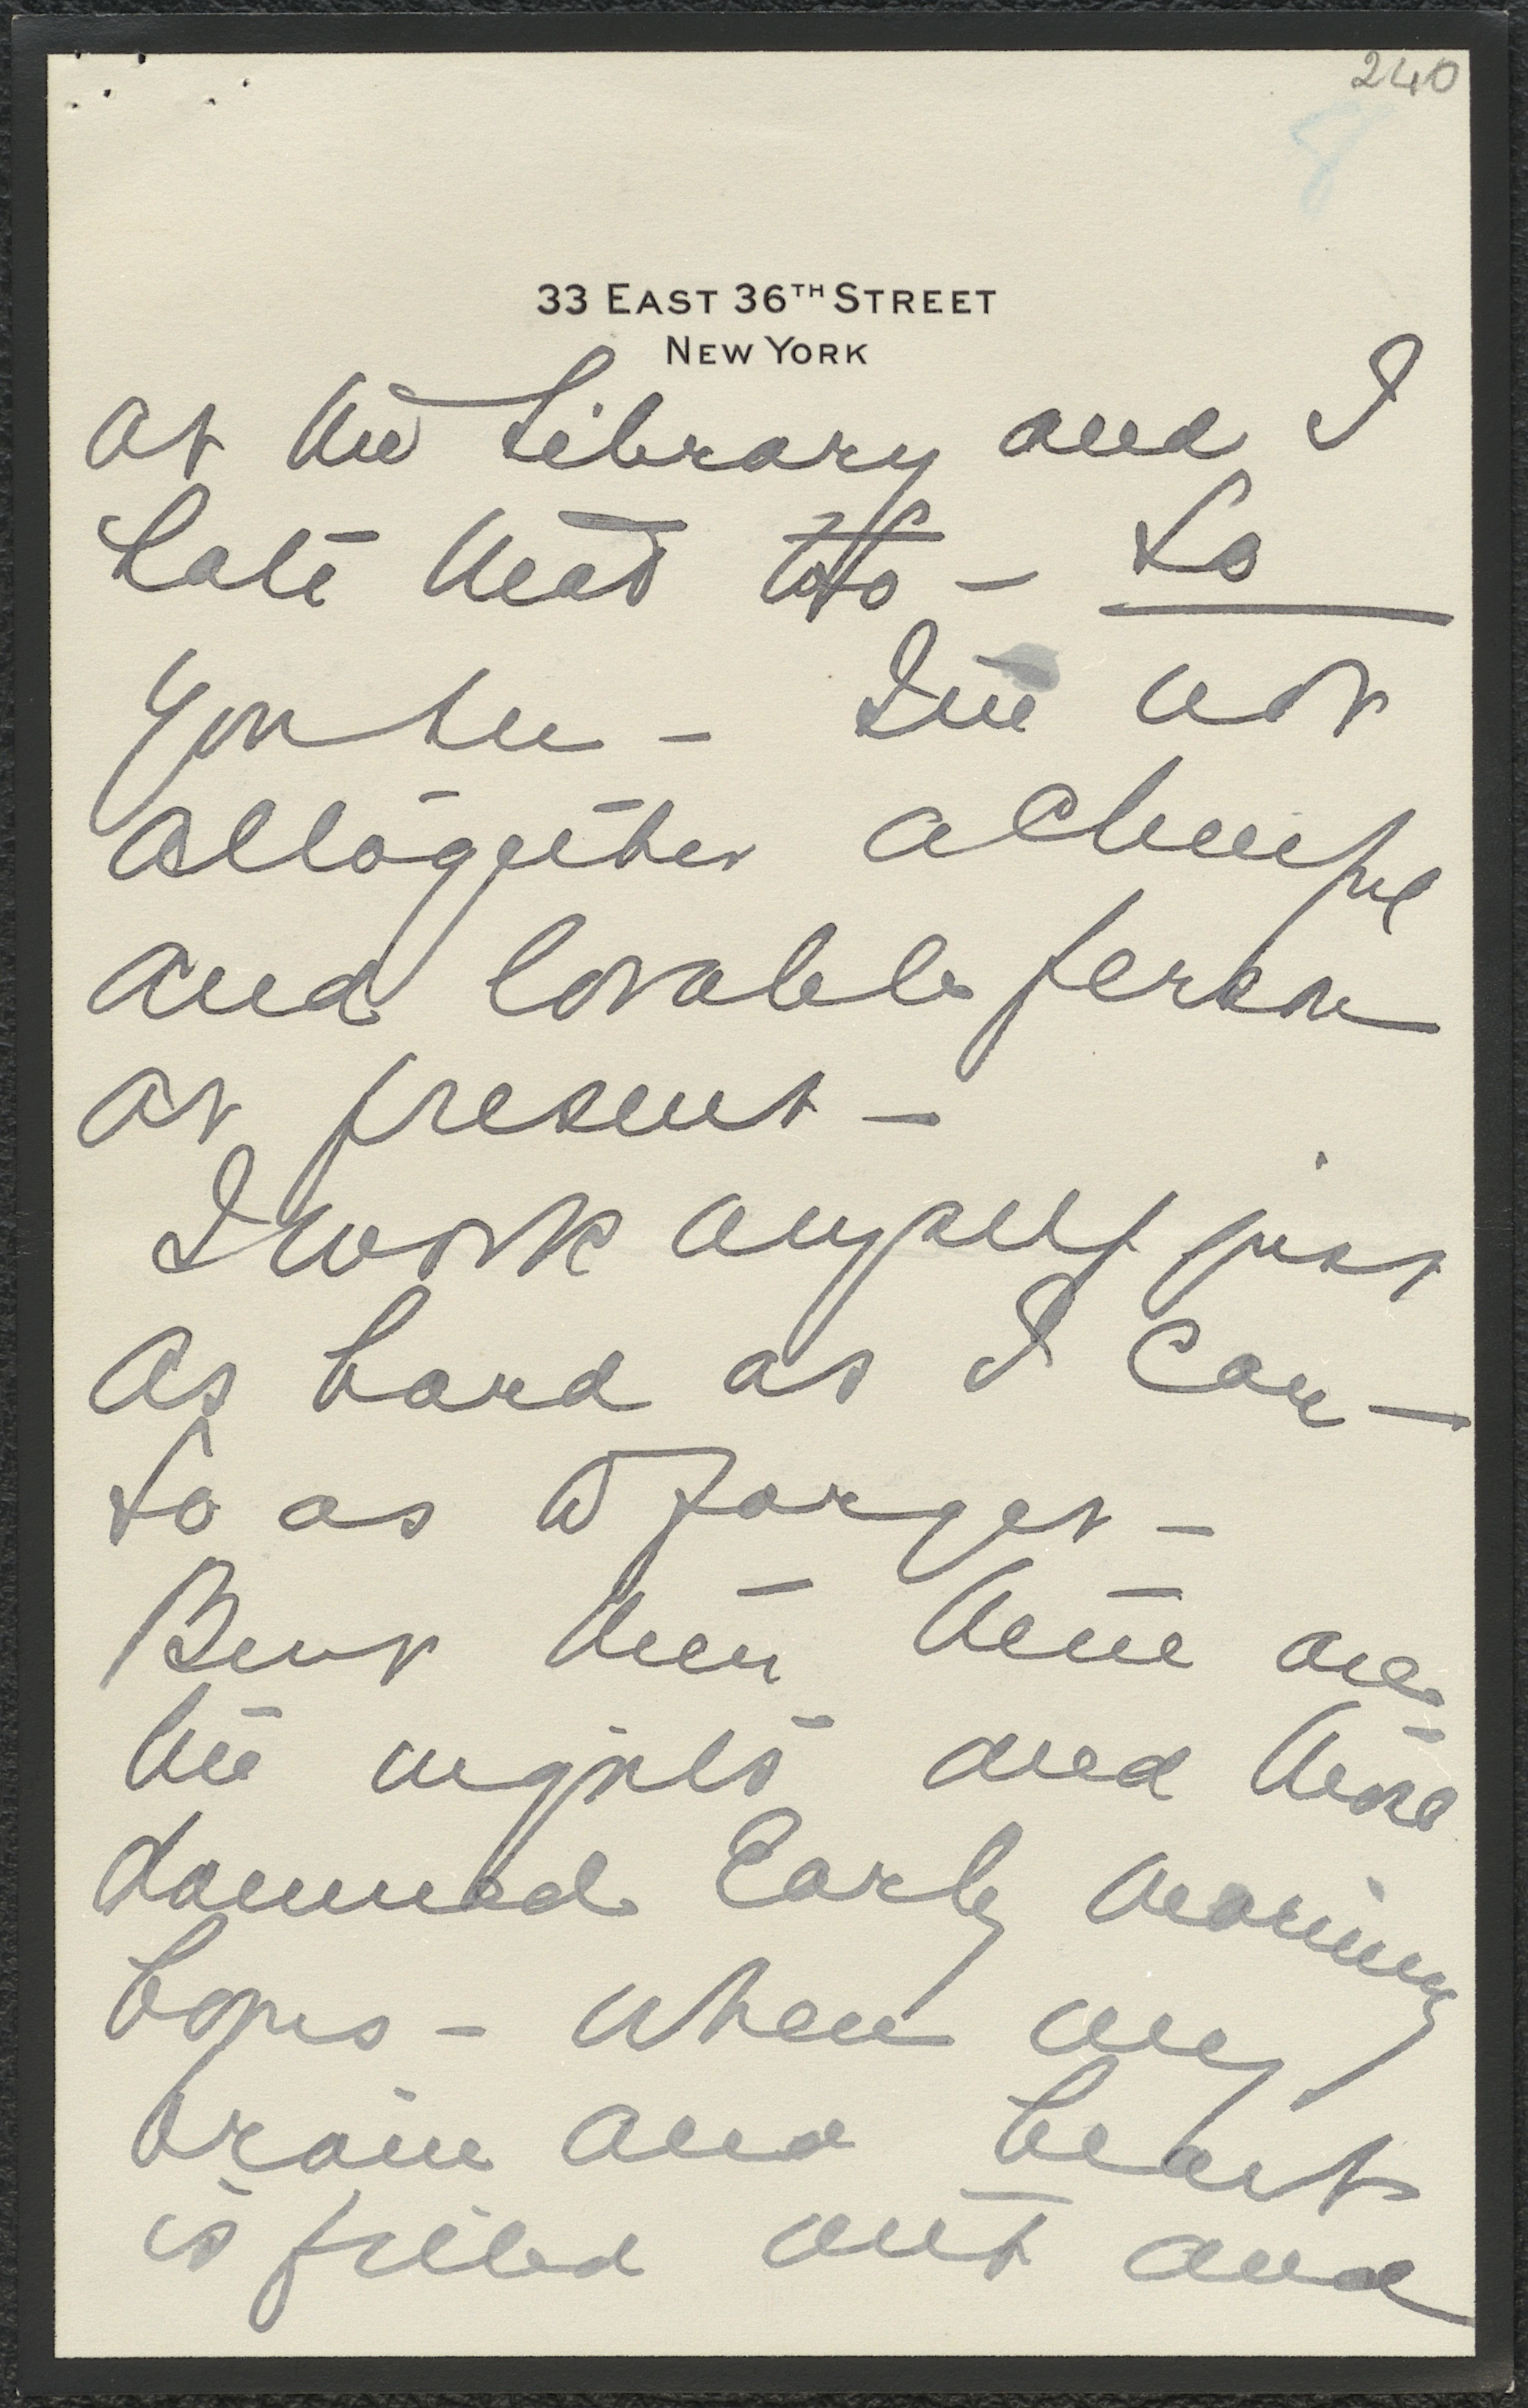at the Library and I hate that too – So you see – I’m not altogether a cheerful and lovable person at present –
I work myself just as hard as I can – so as to forget – But then there are the nights and those damned early morning bones – when my brain and heart is filled with and